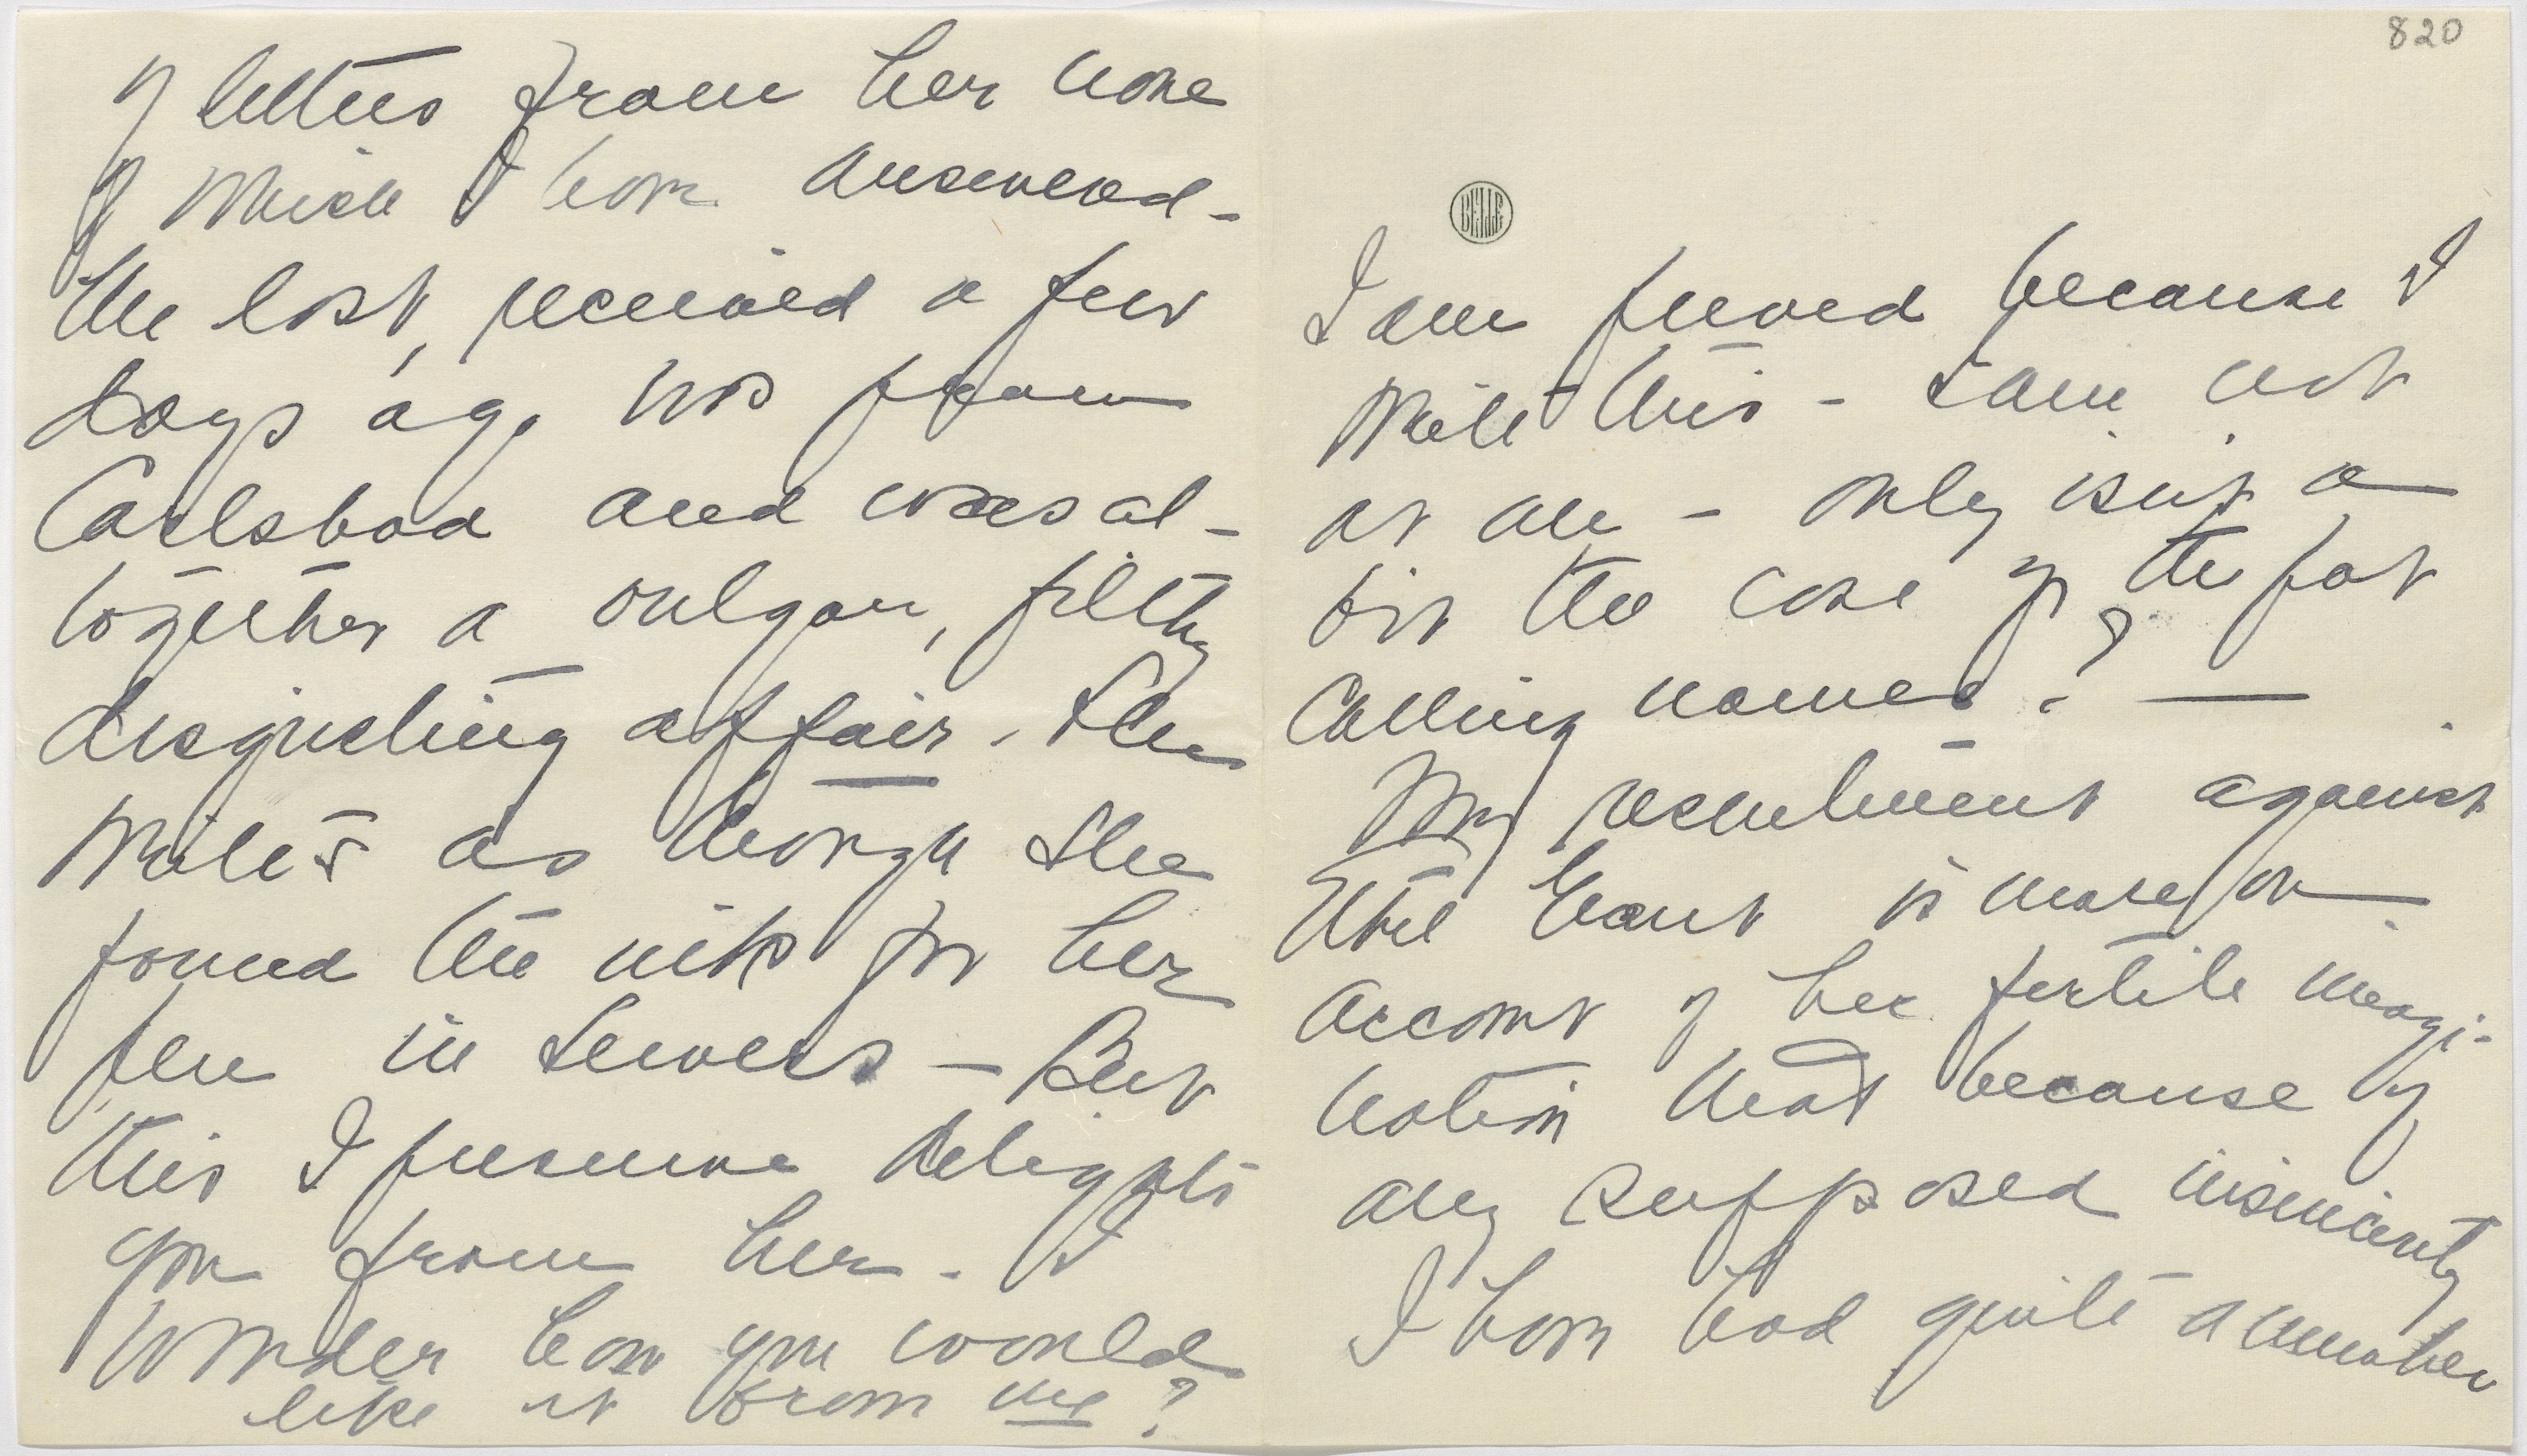I am peeved because I write this – I am not at all – only isn’t a bit the case of the pot calling names? –
My resentment against Ethel Grant is more on account of her fertile imagination that because of any supposed insincerity I have had quite a number
of letters from her none of which I have answered – The last, received a few days ago was from Carlsbad and was altogether a vulgar, filthy disgusting affair, she writes as though she found the ink for her pen in sewers – But this I presume delights you from her – I wonder how you would like it from me?